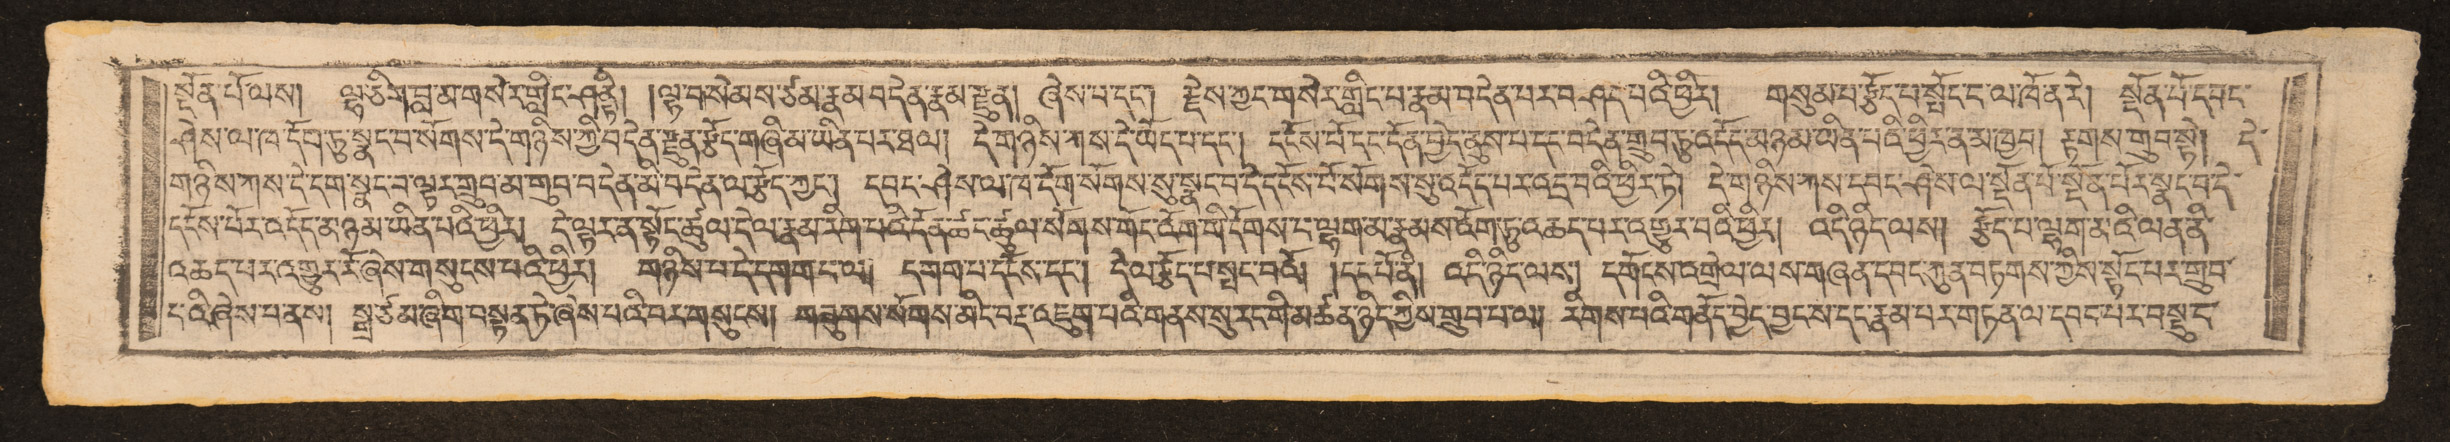སྔོན་པོ་ལས། ལྷ་ཅིག་བླ་མ་གསེར་གླིང་ཤནྟི། །ལྟ་བ་སེམས་ཙམ་རྣམ་བདེན་རྣམ་རྫུན། ཞེས་པ་དང་། རྗེས་ཀྱང་གསེར་གླིང་པ་རྣམ་བདེན་པར་བཤད་པའི་ཕྱིར། གསུམ་པ་རྩོད་པ་སྤོང་བ་ལ་ཁོ་ན་རེ། སྔོན་པོ་དབང་
ཤེས་ལ་ཁ་དོག་ཏུ་སྣང་བ་སོགས་དེ་གཉིས་ཀྱི་བདེན་རྫུན་རྩོད་གཞི་མ་ཡིན་པར་ཐལ། དེ་གཉིས་ཀས་དེ་ཡོད་པ་དང་། དངོས་པོ་དང་དོན་བྱེད་ནུས་པ་དང་བདེན་གྲུབ་ཏུ་འདོད་མཉམ་ཡིན་པའི་ཕྱིར་ན་མ་ཁྱབ། རྟགས་གྲུབ་སྟེ། དེ་
གཉིས་ཀས་དེ་དག་སྣང་བ་ལྟར་གྲུབ་མ་གྲུབ་བདེན་མི་བདེན་ལ་རྩོད་ཀྱང་། དབང་ཤེས་ལ་ཁ་དོག་སོགས་སུ་སྣང་བ་དེ་དངོས་པོ་སོགས་སུ་འདོད་པར་འདྲ་བའི་ཕྱིར་ཏེ། དེ་གཉིས་ཀས་དབང་ཤེས་ལ་སྔོན་པོ་སྔོན་པོར་སྣང་བ་དེ་
དངོས་པོར་འདོད་མཉམ་ཡིན་པའི་ཕྱིར། དེ་ལྟར་ན་སྟོང་ཚུལ་དེ་ལ་རྣམ་རིག་པའི་དོན་ཚང་ཚུལ་སོགས་གོང་འོག་གི་དོགས་པ་ལྷག་མ་རྣམས་འོག་ཏུ་འཆད་པར་འགྱུར་བའི་ཕྱིར། འདི་ཉིད་ལས། རྩོད་པ་ལྷག་མའི་ལན་ནི་
འཆད་པར་འགྱུར་རོ་ཞེས་གསུངས་པའི་ཕྱིར། གཉིས་པ་དེ་དགག་པ་ལ། དགག་པ་དངོས་དང་། དེ་ལ་རྩོད་པ་སྤང་བའོ། །དང་པོ་ནི། འདི་ཉིད་ལས། དགོངས་འགྲེལ་ལས་གཞན་དབང་ཀུན་བཏགས་ཀྱིས་སྟོང་པར་གྲུབ་
པའི་ཞེས་པ་ནས། སྒྲ་ཙམ་ཞིག་བསྟན་ཏེ་ཞེས་པའི་བར་གསུངས། གཟུགས་སོགས་མིང་བརྡ་འཇུག་པའི་གནས་སུ་རང་གི་མཚན་ཉིད་ཀྱིས་གྲུབ་པ་ལ། རིགས་པའི་གནོད་བྱེད་བྱང་ས་དང་རྣམ་པར་གཏན་ལ་དབང་པར་བསྡུ་བ་